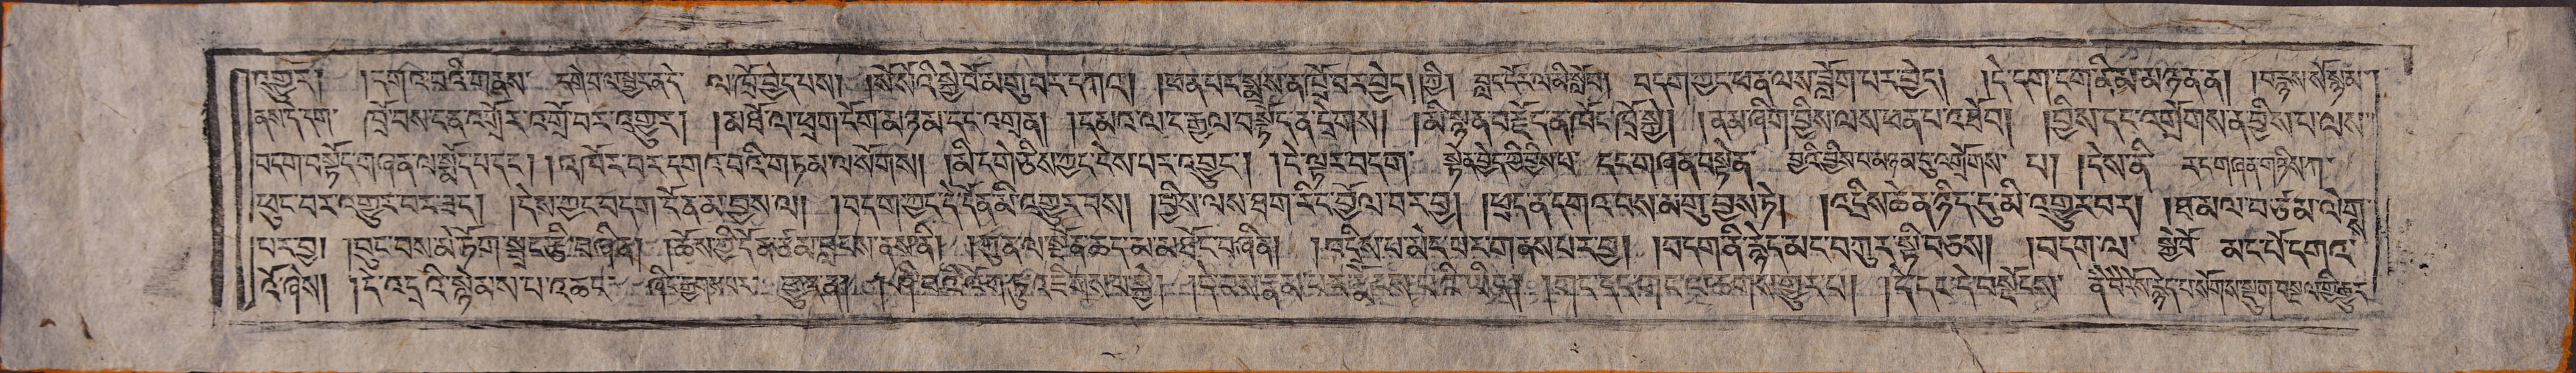འགྱུར། །དགའ་བའི་གནས་དགེ་བའི་ལ་སྦྱར་ན་དེ་ལ་ཁྲོ་བྱེད་པས། །སོ་སོའི་སྐྱེ་བོ་མགུ་བར་དཀའ། །ཕན་པར་སྨྲས་ན་ཁྲོ་བར་བྱེད། །ཀྱི། བླང་དོར་ལ་མི་སློབ།  བདག་ཀྱང་ཕན་ལས་ཟློག་པར་བྱེད། །དེ་དག་ངག་ནི་མ་མཉན་ན། །བརྙས་སོ་སྙད།
ནས་ད་དག་ཁྲོ་ལས་ངན་འགྲོར་འགྲོ་བར་འགྱུར། །མཐོ་ལ་ཕྲག་དོག་མཉམ་དང་འགྲན། །དམའ་ལ་ང་རྒྱལ་བསྟོད་ན་དྲེགས། །མི་སྙན་བརྗོད་ན་ཁྲོང་ཁྲོ་སྐྱེ། །ནམ་ཞིག་བྱིས་ལས་ཕན་པ་འཐོབ། །བྱིས་དང་འགྲོགས་ན་བྱིས་པ་ལས་
བདག་བསྟོད་གཞན་ལ་སྨོད་པ་དང་། །འཁོར་བར་དགའ་བའི་གཏམ་ལ་སོགས། །མི་དགེ་ཅིས་ཀྱང་ངེས་པར་འབྱུང་། །དེ་ལྟར་བདག་སྟེན་བྱེད་ཀྱི་བྱིས་པ་དང་གཞན་བསྟེན་བྱའི་བྱིས་པ་མཉམ་དུ་འགྲོགས་པ། །དེས་ནི་རང་བཞིན་གཉིས་ཀ་
ཕུང་བར་འགྱུར་བར་ཟད། །དེས་ཀྱང་བདག་དོན་མ་བྱས་ལ། །བདག་ཀྱང་དེ་དོན་མི་འགྱུར་བས། །བྱིས་ལས་ཐག་རིང་བྱོལ་བར་བྱ། །ཕྲད་ན་དགའ་བས་མགུ་བྱས་ཏེ། །འདྲིས་ཆེན་ཉིད་དུ་མི་འགྱུར་བ། །ཐ་མལ་པ་ཙམ་ལེགས་
པར་བྱ། །བུང་པས་མེ་ཏོག་སྦྲང་རྩི་བཞིན། །མཆོས་ཀྱི་དོན་ཙམ་བླངས་ནས་ནི། །ཀུན་ལ་སྔོན་ཆད་མ་མཐོང་བཞིན། །འདྲིས་པ་མེད་པར་གནས་པར་བྱ། །བདག་ནི་རྙེད་མང་བཀུར་སྟི་བཅས། །བདག་ལ་སྐྱེ་བོ་མང་པོ་དགའ་
འོ་ཞེས། །དེ་འདྲའི་སྙེམས་པ་འཆང་ཞིང་རྒྱས་པར་གྱུར་ན། །ཤི་བའི་འོག་ཏུ་འཇིགས་པ་སྐྱེ། །དེ་བས་རྣམ་པ་རྨོང་པའི་ཡིད། །གང་དང་གང་ལ་ཆགས་གྱུར་པ། །དེ་དང་དེ་བསྡོངས་ནི་བེ་རོས་རྙེད་པ་སོགས་སྡུག་བསྔལ་གྱི་རྒྱུར་